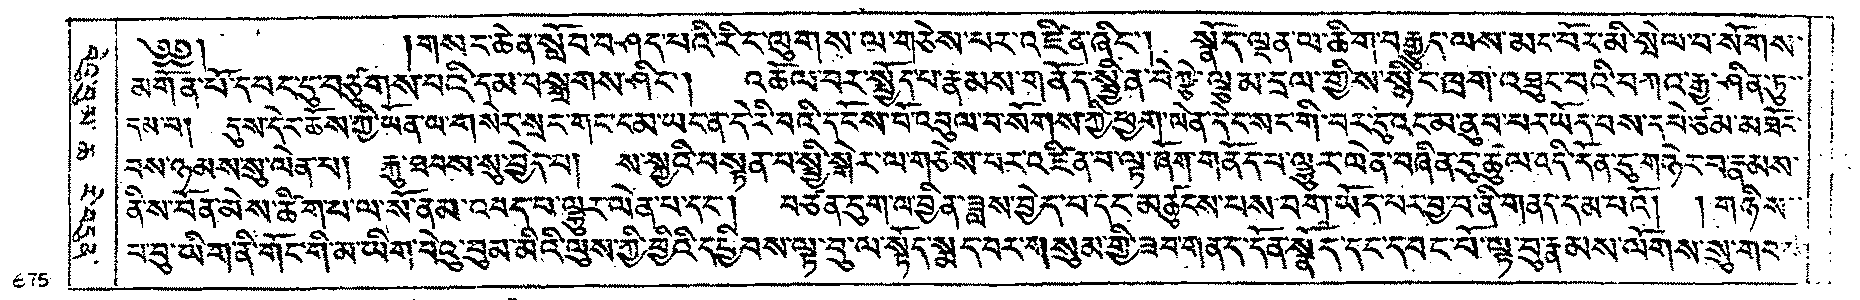༄༅། །གསང་ཆེན་སློབ་བཤད་པའི་རིང་ལུགས་ལ་གཅེས་པར་འཛིན་ཞིང་། སྣོད་ལྡན་ལ་ཆིག་བརྒྱུད་ལས་མང་པོར་མི་སྤེལ་བ་སོགས་
མགོན་པོ་དབང་དུ་བཙུགས་པའི་དམ་བསྒྲགས་ཤིང་། འཆོལ་བར་སྤྱོད་པ་རྣམས་གནོད་སྦྱིན་བེཀྩེ་ལྕམ་དྲལ་གྱིས་སྙིང་ཁྲག་འཐུང་བའི་བཀའ་རྒྱ་ཤིན་ཏུ་
དམ་པ། དུས་དེར་ཆོས་ཀྱི་ཡོན་ལ་གསེར་སྲང་གང་ངམ་ཡང་ན་དེ་རི་བའི་དངོས་པོ་འབུལ་བ་སོགས་ཀྱི་ཕྱག་ལེན་དེང་སང་གི་བར་དུའང་མ་ནུབ་པར་ཡོད་པས་དཔེ་ཙམ་མཐོང་
བས་ཉམས་སུ་ལེན་པ། རྐུ་ཐབས་སུ་བྱེད་པ། ས་སྐྱའི་བསྟན་པ་སྤྱི་སྒེར་ལ་གཅེས་པར་འཛིན་པ་ལྟ་ཞོག་གནོད་པ་ལྷུར་ལེན་བཞིན་དུ་ཚུལ་འདི་དོན་དུ་གཉེར་བ་རྣམས་
ནི་ས་བོན་མེས་ཚིག་པ་ལ་སོ་ནམ་འབད་པ་ལྷུར་ལེན་པ་དང་། བཙན་དུག་ལ་བྱིན་ཟླས་བྱེད་པ་དང་མཚུངས་པས་བག་ཡོད་པར་བྱ་བ་ནི་གནད་དམ་པའོ། །གཉིས་
པ་བུ་ཡིག་ནི་གོང་གི་མ་ཡིག་བེའུ་བུམ་མིའི་ལུས་ཀྱི་ཕྱིའི་དབྱིབས་ལྟ་བུ་ལ་སྟོད་སྨད་བར་གསུམ་གྱི་ཟབ་གནད་དོན་སྣོད་དང་དབང་པོ་ལྟ་བུ་རྣམས་ལོགས་སུ་གབ་པ་